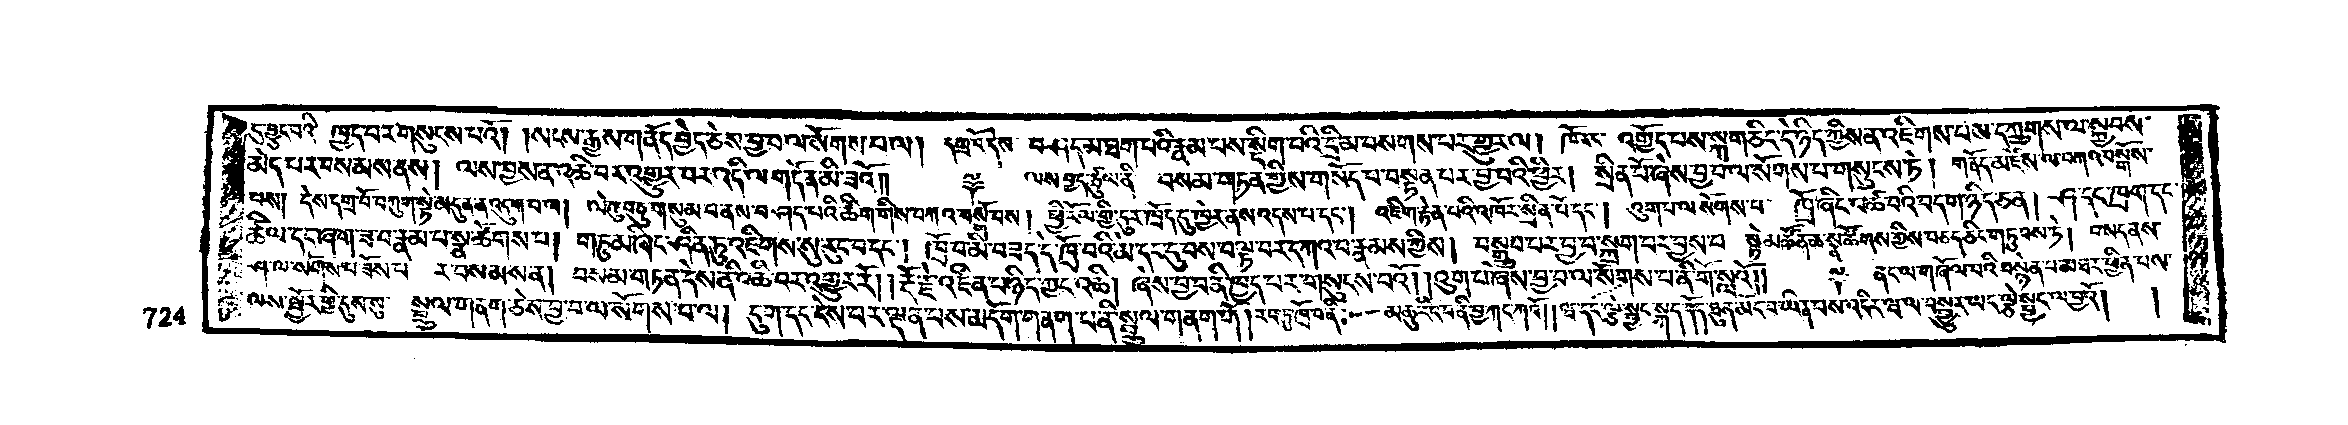དུ་བྱུང་བའི་ཁྱད་པར་གསུངས་པའོ། །སངས་རྒྱས་གནད་བྱེད་ཅེས་བྱ་བ་ལ་སོགས་པ་ལ། དགྲ་བོ་དེས་བཤད་མ་ཐག་པའི་རྣམ་པས་སྡིག་པའི་དྲི་མ་བསགས་པར་གྱུར་ལ། ཁོ་རང་འགྱོད་པས་སྐྲག་ཅིང་དེ་ཉིད་ཀྱིས་ན་འཇིགས་པས་དཀྲུགས་ལ་སྐྱབས་
མེད་པར་བསམས་ནས། ལས་བྱས་ན་འཆི་བར་འགྱུར་བར་འདི་ལ་གདོན་མི་ཟའོ།། ༈ ལས་བྱེད་ཚུལ་ནི་བསམ་གཏན་གྱིས་གསོད་པ་བསྟན་པར་བྱ་བའི་ཕྱིར། སྲིན་པོ་ཞེས་བྱ་བ་ལ་སོགས་པ་གསུངས་ཏེ། གནོད་མཛེས་ལ་བཀའ་བསྒོས་
པས། དེས་དགྲ་བོ་བཀུག་སྟེ་མདུན་ན་འདུག་པ་ལ། ལེའུ་བཅུ་གསུམ་པ་ནས་བཤད་པའི་ཚིག་གིས་བཀའ་བསྒོ་བས། ཕྱི་རོལ་གྱི་དུར་ཁྲོད་དུ་ཁྱེར་ནས་འདས་པ་དང་། འཇིག་རྟེན་པའི་འཁོར་སྲིན་པོ་དང་། འུག་པ་ལ་སོགས་པ་ཁྲོ་ཞིང་འཚེ་བའི་བདག་ཉིད་ཅན། ཤ་དང་ཁྲག་དང་
ཚིལ་དང་ཞག་ཟ་བ་རྣམ་པ་སྣ་ཚོགས་པ། གཏུམ་ཞིང་ཤིན་ཏུ་འཇིགས་སུ་རུང་བ་དང་། ཁྲོ་བ་མི་བཟད་དེ་ཁྲོ་བའི་མེ་དང་དུ་བས་བལྟ་བར་དཀའ་བ་རྣམས་ཀྱིས། བསྒྲུབ་པར་བྱ་བ་སྐྲག་པར་བྱས་པ་སྟེ་མཚོན་ཆ་སྣ་ཚོགས་ཀྱིས་བཅད་ཅིང་གཏུབས་ཏེ། བསད་ནས་
ཤ་ལ་སོགས་པ་ཟོས་པ་ར་བསམས་ན། བསམ་གཏན་དེས་ནི་འཆི་བར་འགྱུར་རོ། །རྡོ་རྗེ་འཛིན་པ་ཉིད་ཀྱང་འཆི། ཞེས་བྱ་བ་ནི་ཁྱད་པར་གསུངས་པའོ། །འུག་པ་ཞེས་བྱ་བ་ལ་སོགས་པ་ནི་གོ་སླའོ།། ༈ ནང་ལ་གཞོལ་བའི་བསྙེན་པ་མཐར་ཕྱིན་པས་
ལས་སྦྱོར་གྱི་དུས་སུ་སྤྲུལ་གནག་ཅེས་བྱ་བ་ལ་སོགས་པ་ལ། དུག་དང་ངེས་པར་ལྡན་པས་མདོག་གནག་པ་ནི་སྦྲུལ་གནག་གོ ། རབ་ཏུ་ཁྲོ་བ་ནི་H.་མཆུ་རིང་པ་ནི་བྱ་ཀང་ཀའོ། །ཝ་དང་ལྕེ་སྦྱང་སྐད་དོད་ཐུན་མོང་བ་ཡིན་པས་འདིར་ཝ་ལ་བསྒྱུར་ཡང་ལྕེ་སྦྱང་ལ་བྱའོ། །